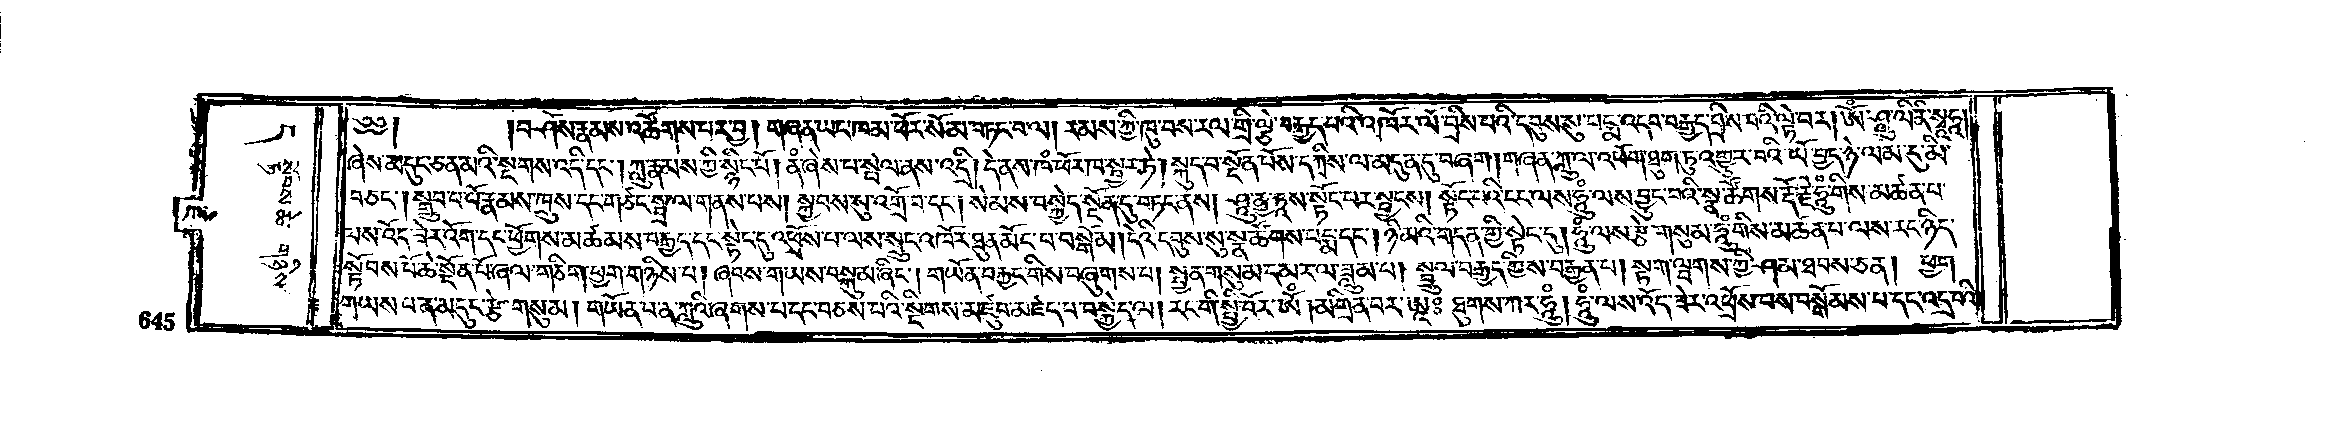༄༅། །བཤོས་རྣམས་འཚོགས་པར་བྱ། གཞན་ཡང་ཁམ་ཕོར་སོ་མ་བཏང་བ་ལ། རམས་ཀྱི་ཁུ་བས་རལ་གྲི་ལྕེ་བརྒྱད་པའི་འཁོར་ལོ་བྲིས་པའི་དབུས་སུ་པདམ་འདབ་བརྒྱད་བྲིས་པའི་ལྟེ་བར། ཨོཾ་ཤཱུ་ལི་ནི་སྭཱཧཱ།
ཞེས་མདུང་ཅན་མའི་སྔགས་འདི་དང་། ཀླུ་རྣམས་ཀྱི་སྙིང་པོ། ནཾ་ཞེས་པ་སྤེལ་ནས་འདྲི། དེ་ནས་ཁཾ་ཕོར་ཁ་སྦྱར་ཏེ། སྐུད་པ་སྔོན་པོས་དཀྲིས་ལ་མདུན་དུ་བཞག །གཞན་ཀླུ་ལ་འཕོག་ཐུག་ཏུ་འགྱུར་བའི་ཡོ་བྱད་ཉེ་ལམ་དུ་མི་
བཅང་། སྒྲུབ་པ་པོ་རྣམས་ཁྲུས་དང་གཙང་སྦྲ་ལ་གནས་པས། སྐྱབས་སུ་འགྲོ་བ་དང་། སེམས་བསྐྱེད་སྔོན་དུ་བཏང་ནས། ཤཱུ་ནཡ་ཏཱས་སྟོང་པར་སྦྱངས། སྟོང་པའི་ངང་ལས་ཧཱུཾ་ལས་བྱུང་བའི་སྣ་ཚོགས་རྡོ་རྗེ་ཧཱུཾ་གིས་མཚན་པ་
ལས་འོད་ཟེར་འོག་དང་ཕྱོགས་མཚམས་བརྒྱད་དང་སྟེང་དུ་འཕྲོས་པ་ལས་སྲུང་འཁོར་ཐུན་མོང་བ་བསྒོམ། དེའི་དབུས་སུ་སྣ་ཚོགས་པདམ་དང་། ཉི་མའི་གདན་གྱི་སྟེང་དུ། ཧཱུཾ་ལས་རྩེ་གསུམ་ཧཱུཾ་གིས་མཚན་པ་ལས་རང་ཉིད་
སྟོབས་པོ་ཆེ་སྔོན་པོ་ཞལ་གཅིག་ཕྱག་གཉིས་པ། ཞབས་གཡས་བསྐུམ་ཞིང་། གཡོན་བརྐྱང་གིས་བཞུགས་པ། སྤྱན་གསུམ་དམར་ལ་ཟླུམ་པ། སྤྲུལ་བརྒྱད་ཀྱིས་བརྒྱན་པ། སྟག་ལྤགས་ཀྱི་ཤམ་ཐབས་ཅན། ཕྱག་
གཡས་པ་ན་མདུང་རྩེ་གསུམ། གཡོན་པ་ན་ཀླུའི་ཞགས་པ་དང་བཅས་པའི་སྡིགས་མཛུབ་མཛད་པ་བསྐྱེད་ལ། རང་གི་སྤྱི་བོར་ཨོཾ། མགྲིན་པར་ཨཱཿ ཐུགས་ཀར་ཧཱུཾ། ཧཱུཾ་ལས་འོད་ཟེར་འཕྲོས་པས་བསྒོམས་པ་དང་འདྲ་བའི་